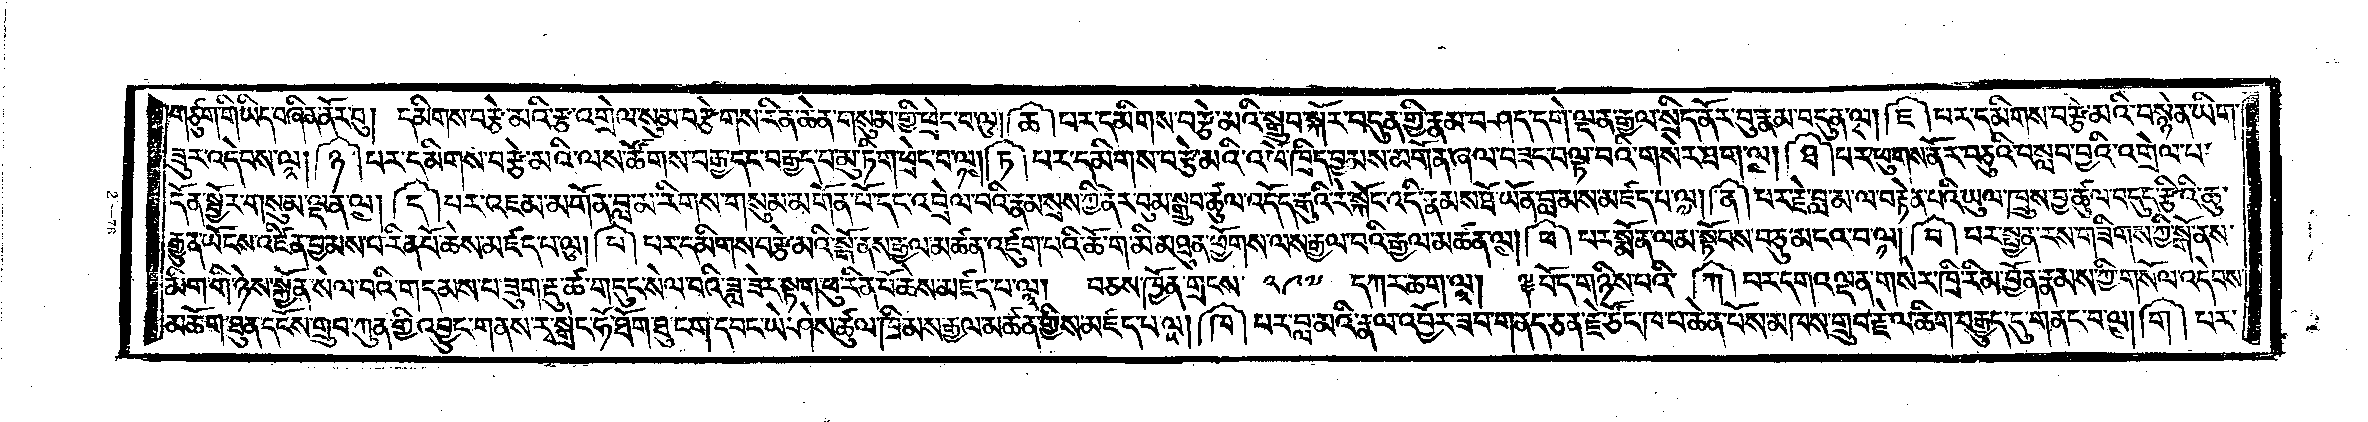གཙུག་གི་ཡིད་བཞིན་ནོར་བུ། དམིགས་བརྩེ་མའི་རྩ་འགྲེལ་སུམ་བརྩེགས་རིན་ཆེན་གསུམ་གྱི་ཕྲེང་བ་ལ། ༼ཆ༽ པར་དམིགས་བརྩེ་མའི་སྒྲུབ་སྐོར་བདུན་གྱི་རྣམ་བཤད་དགེ་ལྡན་རྒྱལ་སྲིད་ནོར་བུ་རྣམ་བདུན་ལ། ༼ཇ༽ པར་དམིགས་བརྩེ་མའི་བསྙེན་ཡིག་
ཟུར་འདེབས་ལ། ༼ཉ༽ པར་དམིགས་བརྩེ་མའི་ལས་ཚོགས་བརྒྱ་དང་བརྒྱད་པ་མུ་ཏིག་ཕྲེང་བ་ལ། ༼ཏ༽ པར་དམིགས་བརྩེ་མའི་འཕོ་ཁྲིད་བྱམས་མགོན་ཞལ་བཟང་བལྟ་བའི་གསེར་ཐག་ལ། ༼ཐ༽ པར་ཕུགས་ནོར་བཅུའི་བསླབ་བྱའི་འགྲེལ་པ་
དོན་སྦྱོར་གསུམ་ལྡན་ལ། ༼ད༽ པར་འཇམ་མགོན་བླ་མ་རིགས་གསུམ་མགོན་པོ་དང་འབྲེལ་བའི་རྣམ་སྲས་ཀྱི་ནེར་བུམ་སྒྲུབ་ཚུལ་འདོད་རྒུའི་རེ་སྐོང་འདི་རྣམས་ཐོ་ཡོན་བླ་མས་མཛད་པ་ལ། ༼ན༽ པར་རྗེ་བླ་མ་ལ་བརྟེན་པའི་ཡུལ་ཁྲུས་བྱ་ཚུལ་བདུད་རྩིའི་ཆུ་
རྒྱུན་ཡོངས་འཛིན་བྱམས་པ་རིན་པོ་ཆེས་མཛད་པ་ལ། ༼པ༽ པར་དམིགས་བརྩེ་མའི་སྒོ་ནས་རྒྱལ་མཚན་འཛུག་པའི་ཆོ་ག་མི་མཐུན་ཕྱོགས་ལས་རྒྱལ་བའི་རྒྱལ་མཚན་ལ། ༼ཕ༽ པར་སྨོན་ལམ་སྟོབས་བཅུ་མངའ་བ་ལ། ༼བ༽ པར་སྤྱན་རས་གཟིགས་ཀྱི་སྒོ་ནས་
མིག་གི་ཉེས་སྐྱོན་སེལ་བའི་གདམས་པ་ཟུག་རྡུ་ཚ་གདུང་སེལ་བའི་ཟླ་ཟེར་སྟག་ཕུ་རིན་པོ་ཆེས་མཛད་པ་ལ། བཅས་ཁྱོན་གྲངས ༢༩༧་དཀར་ཆག་ལ། ༈ པོད་གཉིས་པའི ༼ཀ༽ པར་དགའ་ལྡན་གསེར་ཁྲི་རིམ་བྱོན་རྣམས་ཀྱི་གསོལ་འདེབས་
མཆོག་ཐུན་དངོས་གྲུབ་ཀུན་གྱི་འབྱུང་གནས་རྭ་སྒྲེང་ཧོ་ཐོག་ཐུ་ངག་དབང་ཡེ་ཤེས་ཚུལ་ཁྲིམས་རྒྱལ་མཚན་གྱིས་མཛད་པ་ལ། ༼ཁ༽ པར་བླ་མའི་རྣལ་འབྱོར་ཟབ་གནད་ཅན་རྗེ་ཙོང་ཁ་པ་ཆེན་པོས་མཁས་གྲུབ་རྗེ་ལ་ཆིག་བརྒྱུད་དུ་གནང་བ་ལ། ༼ག༽ པར་